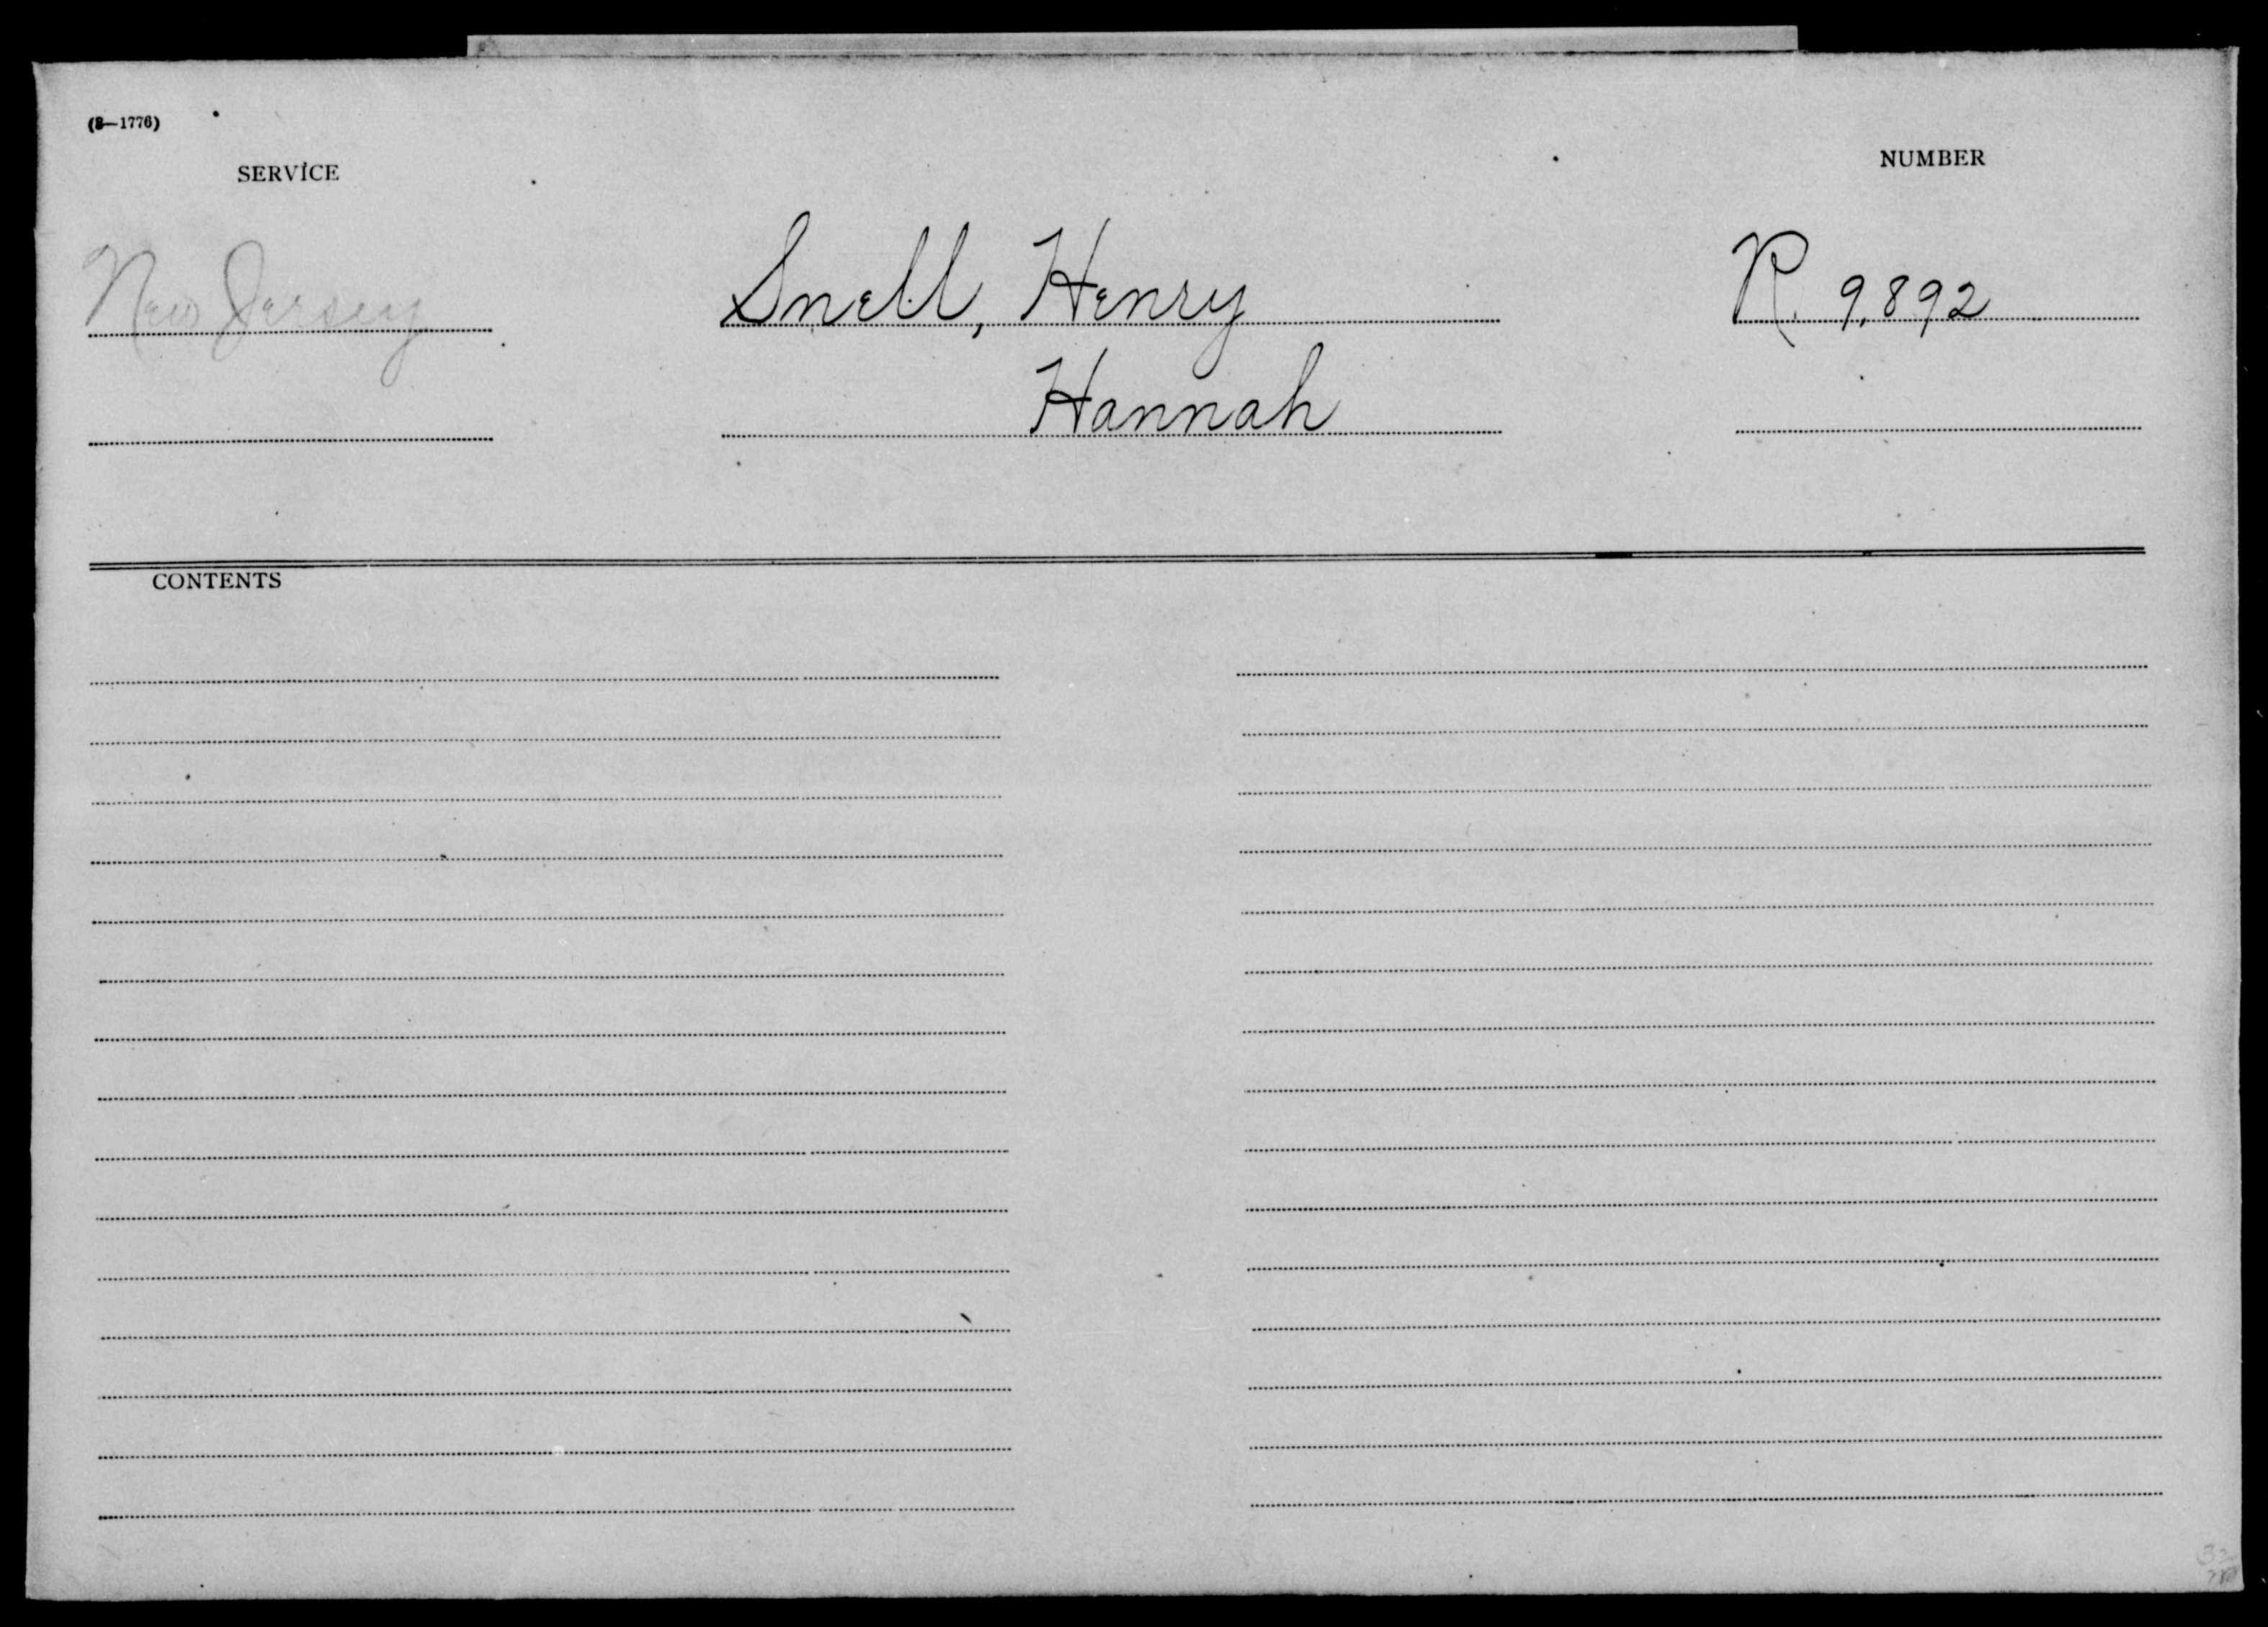Service
New Jersey

Snell, Henry
Hannah

Number
R 9892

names: [BLANK]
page: 1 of 27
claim: rejected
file: R. 9,892, for Henry Snell, New Jersey